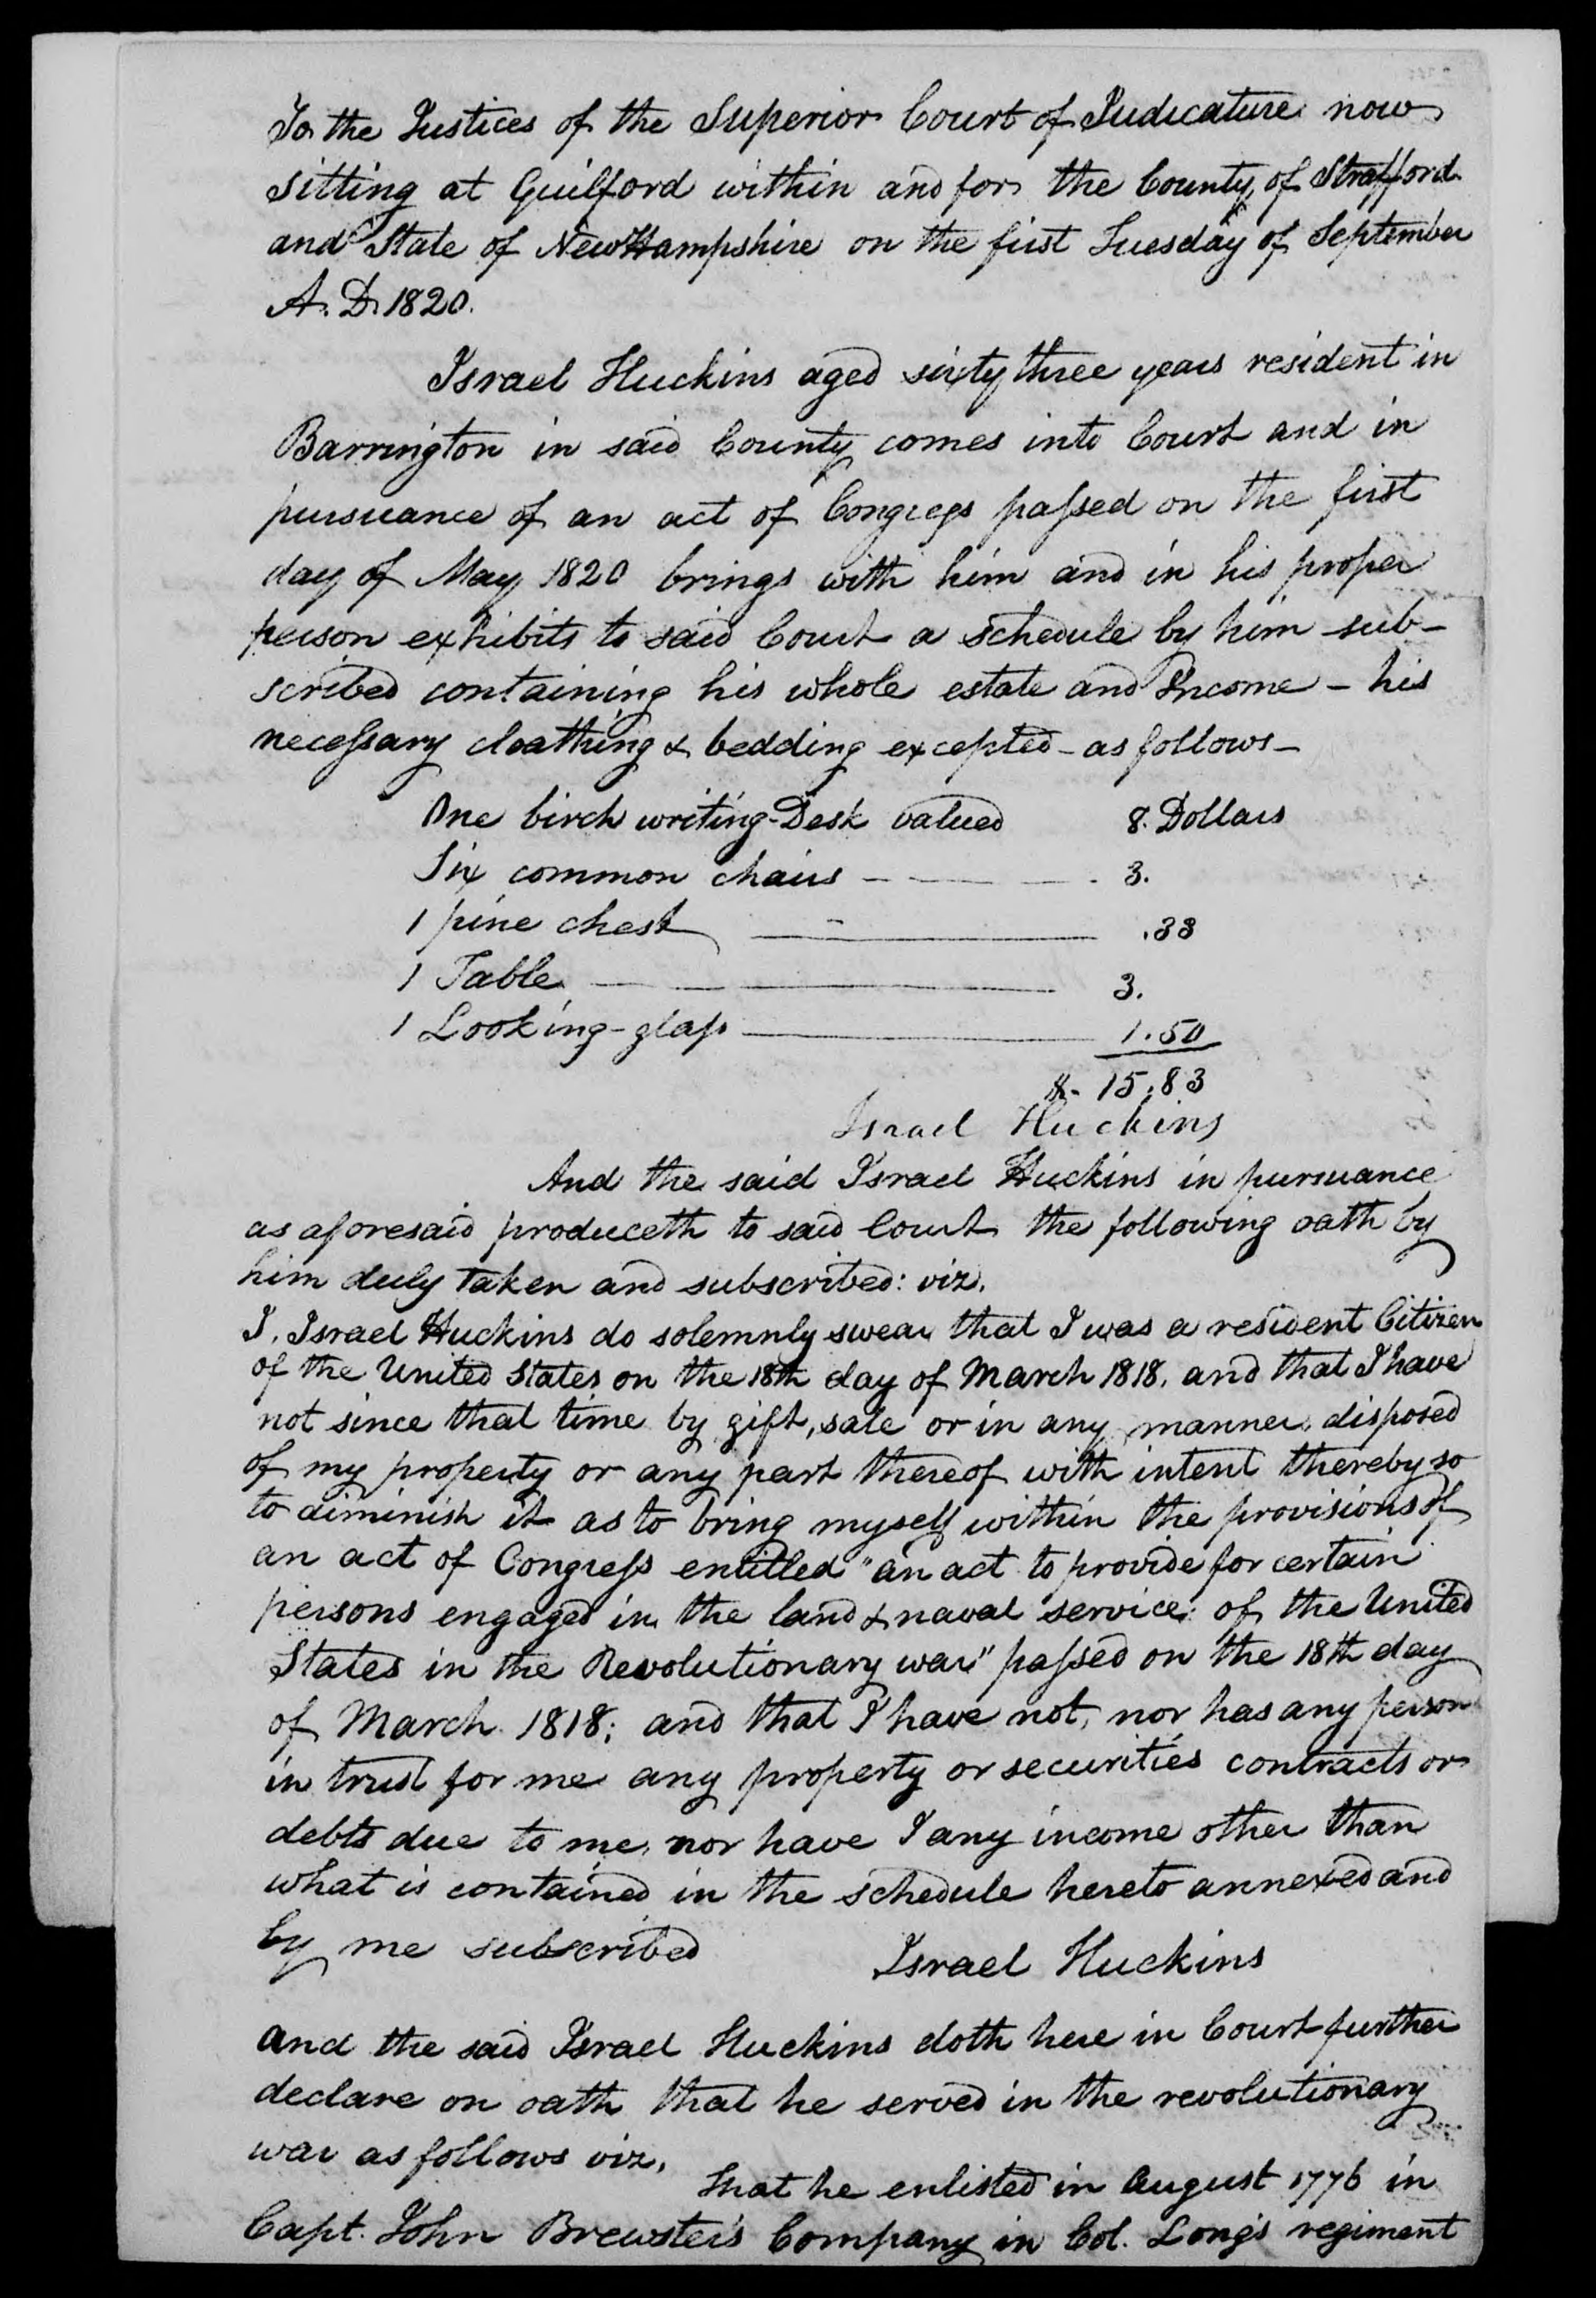To the Justices of the Superior Court of Judicature now sitting at Guilford within and for the county of Strafford and State of New Hampshire on the first Tuesday of September A.D. 1820.

Israel Huckins aged sixty-three years resident in Barrington in said County comes into court and in pursuance of an act of Congress passed on the first day of May 1820 brings with him and in his proper person exhibits to said Court a schedule by him subscribed containing his whole estate and income – his necessary clothing & bedding excepted – as follows:

One birch writing desk valued 8 Dollars Six common chairs 3 One chest .83 One table 3 One looking glass 1.50 $15.83
Israel Huckins

And the said Israel Huckins in pursuance as aforesaid produces to said Court the following oath by him duly taken and subscribed, viz:

I, Israel Huckins do solemnly swear that I was a resident citizen of the United States on the 18th day of March 1818, and that I have not since that time by gift, sale or in any manner disposed of my property or any part thereof with intent thereby so to diminish it as to bring myself within the provisions of an act of Congress entitled “An act to provide for certain persons engaged in the land and naval service of the United States in the Revolutionary war” passed on the 18th day of March 1818, and that I have not, nor has any person in trust for me any property or securities, contracts or debts due to me, nor have I any income other than what is contained in the schedule hereto annexed and by me subscribed.
Israel Huckins

And the said Israel Huckins doth here in court further declare on oath that he served in the revolutionary war as follows viz:
That he enlisted in August 1776 in Capt. John Brewster’s Company in Col. Long’s regiment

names: Israel Huckins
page: 18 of 35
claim: widow's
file: W. 16127, Israel Huckins, N.H.